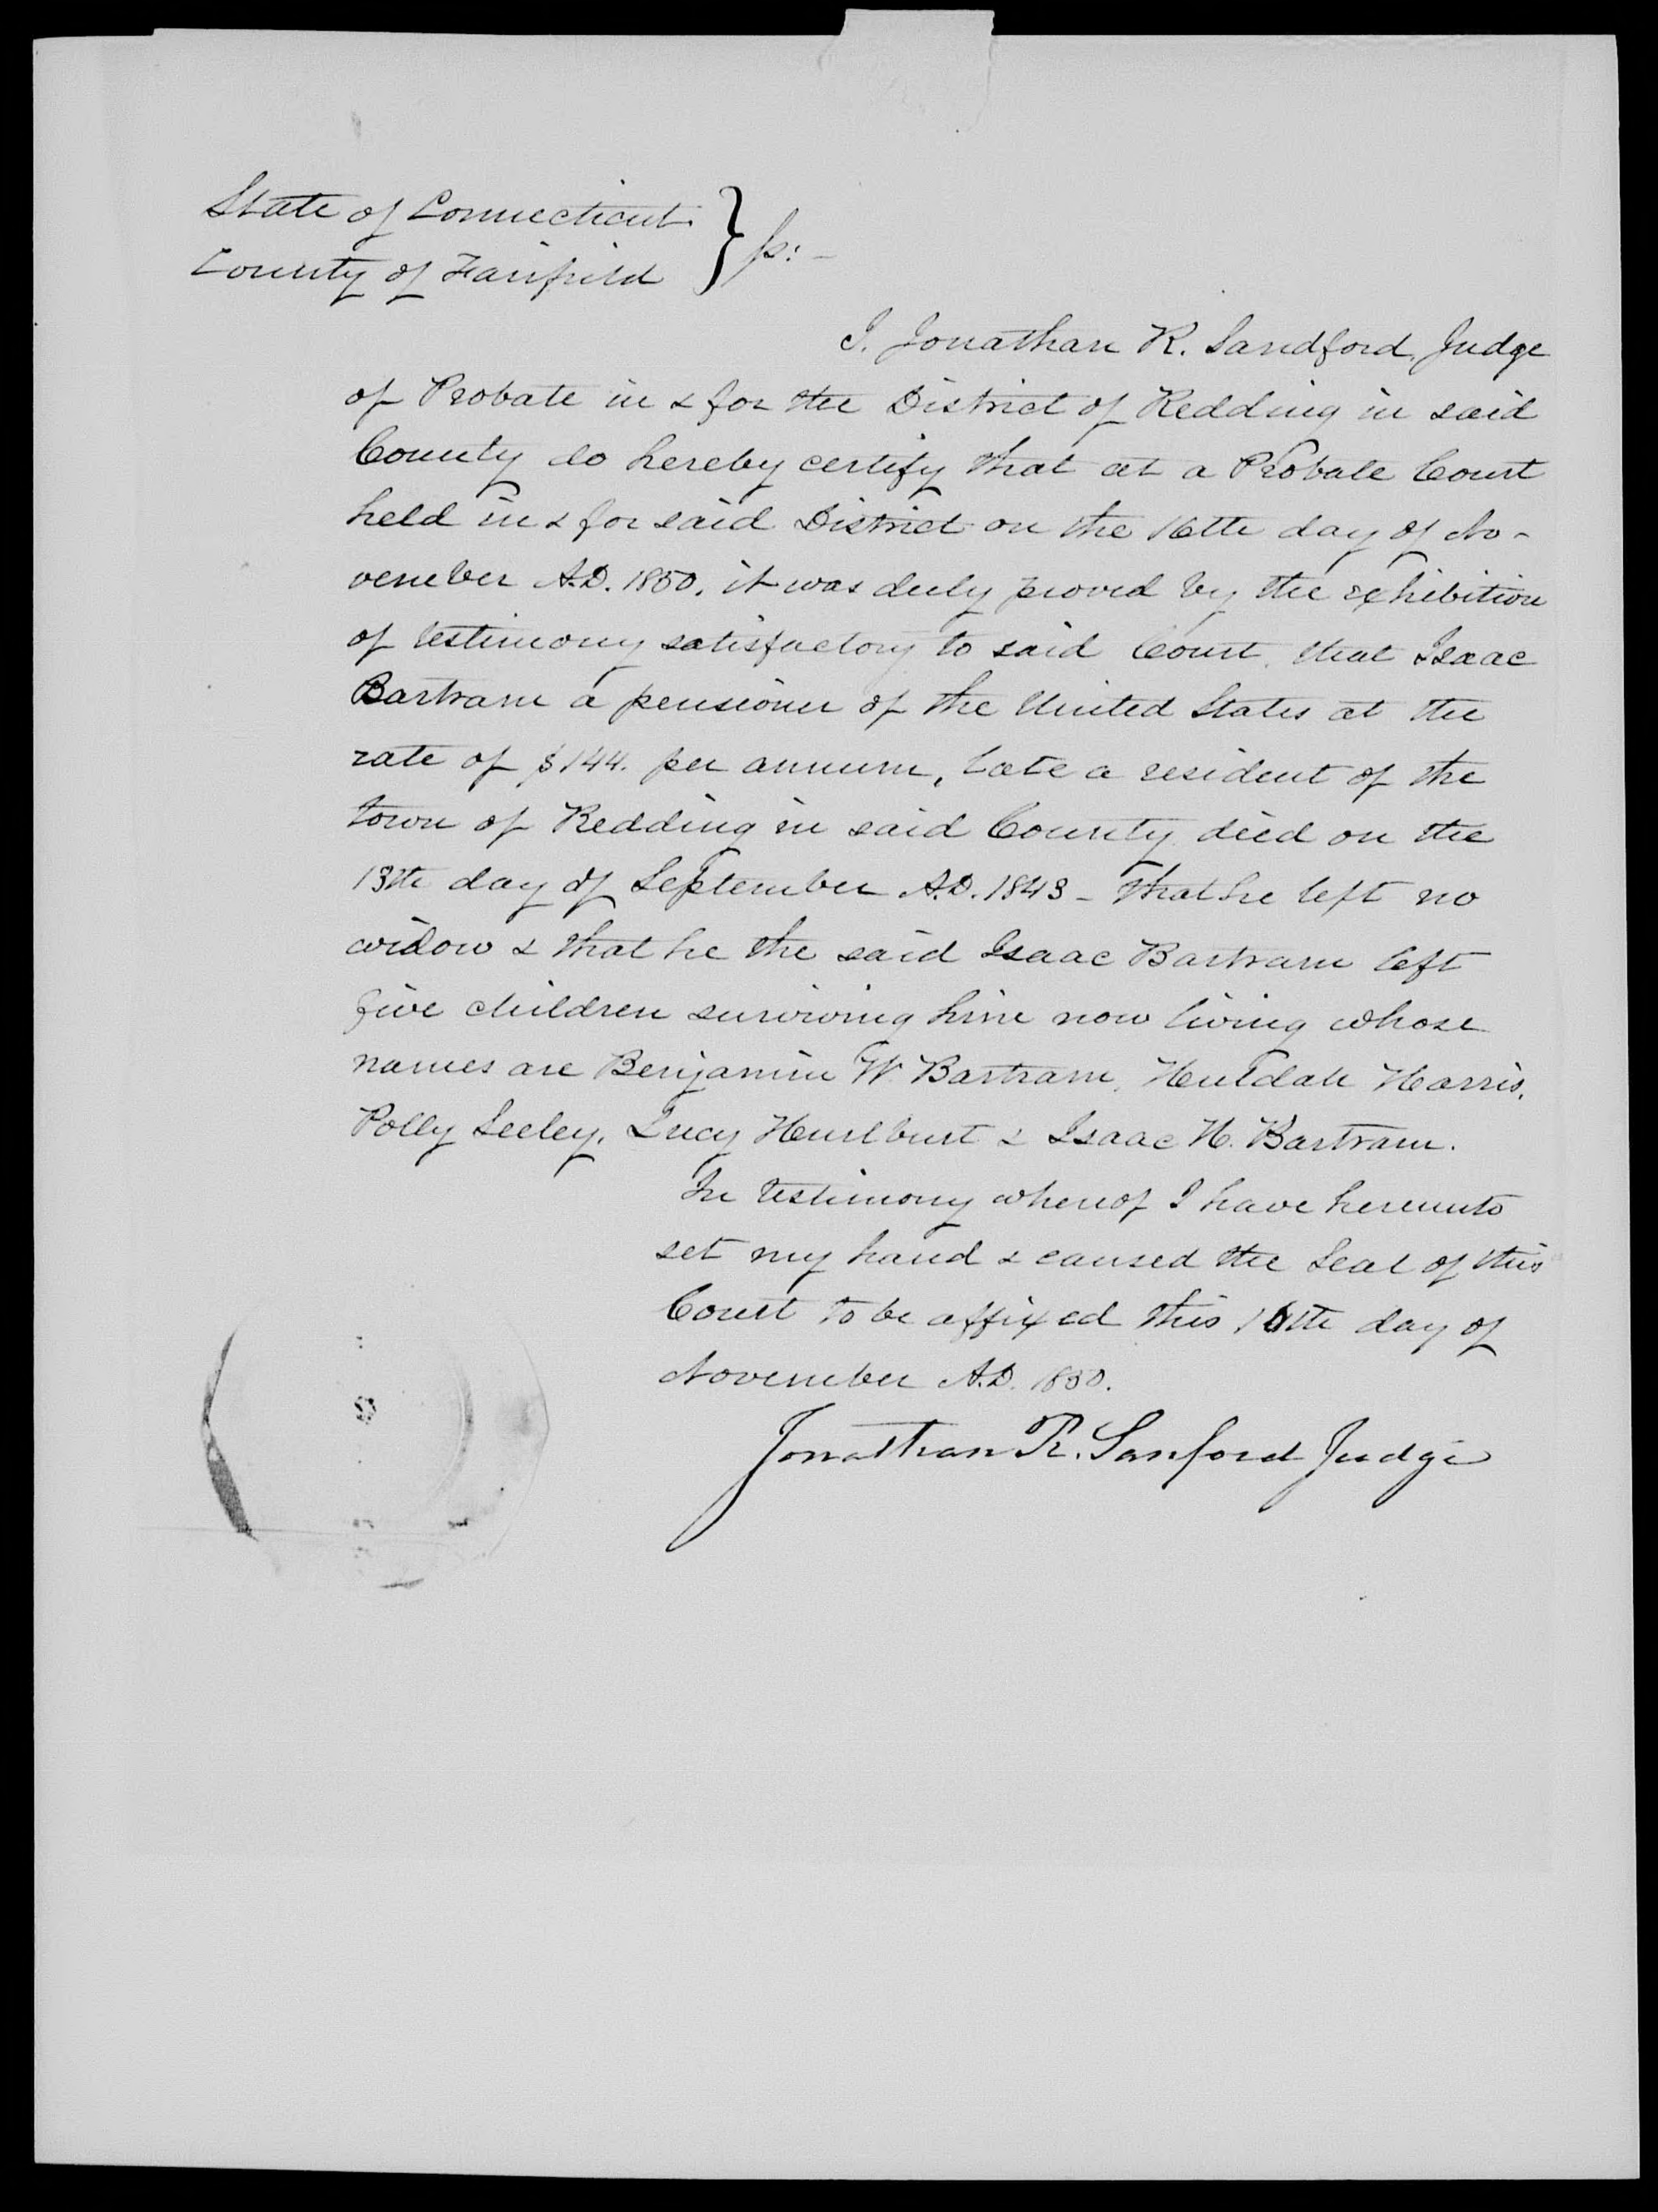State of Connecticut
County of Fairfield
ss:
I, Jonathan R. Sandford Judge
of Probate in & for the District of Redding in said
County do hereby certify that at a Probate Court
held in & for said District on the 16th day of November
A.D. 1850, it was duly proved by the exhibition
of testimony satisfactory to said Court that Isaac
Bartram a pensioner of the United States at the
rate of $144. per annum, late a resident of the
town of Redding in said County died on the
13th day of September A.D. 1843 - That he left no
widow & that he the said Isaac Bastram left
five children surviving him now living whose
names are Benjamin W. Bartram, Huldah Harris
Polly Seeley, Lucy Hurlburt & Isaac H. Bartram

In testimony whereof I have hereunto
set my hand & caused the Seal of this
Court to be affixed this 16th day of
November A.D. 1850.
Jonathan R. Sanford Judge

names: Lucy Hurlburt, Benjamin W Bartram, Jonathan R Sanford, Huldah Harris, Jonathan R Sandford, Isaac Bartram, Isaac Bartram, Isaac H Bartram, Polly Seeley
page: 12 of 39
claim: survivor's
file: S. 12110, Isaac Bartram, Continental (Conn)